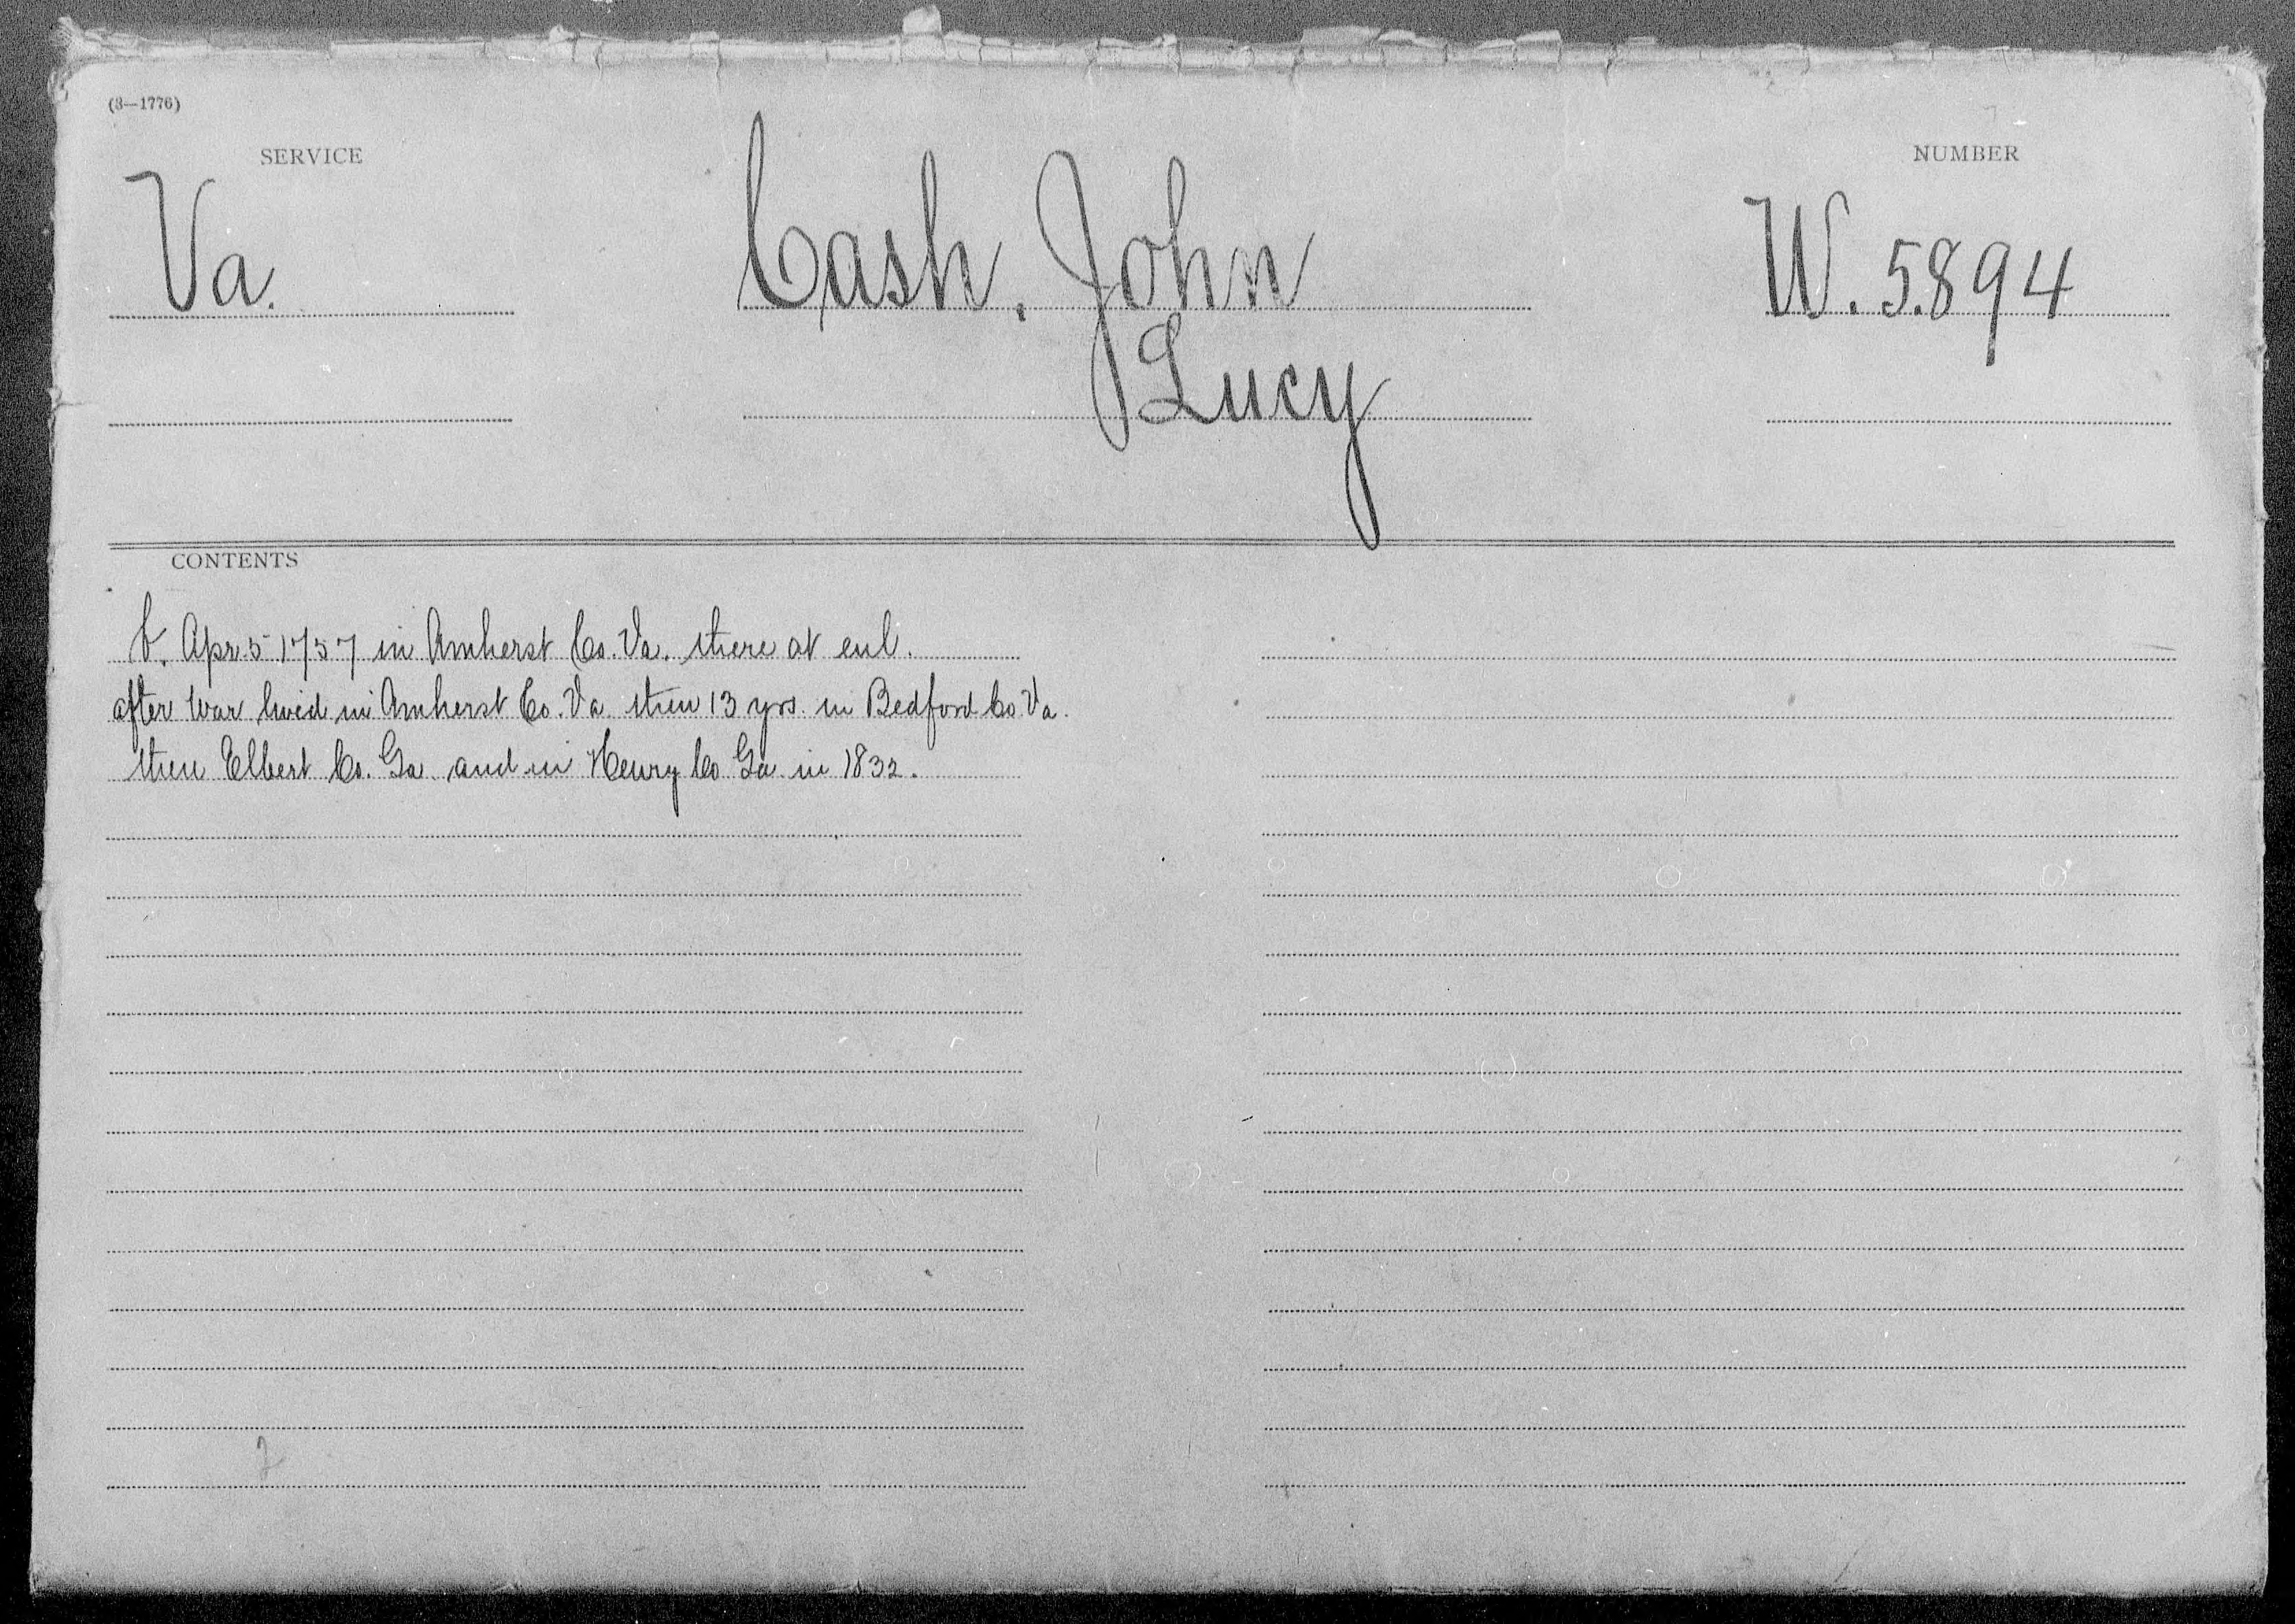(3 - 1776)
SERVICE
VA
Cash, John               W 5894
          Lucy
b.. April 5, 1757, in Amherst Co. Va. there at enlistment
after war lived in Amherst Co. Va. then 13 yrs in Bedford Co Va.
then Elbert Co. Ga and in Henry Co Ga in 1832.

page: 1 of 73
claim: widow's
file: W. 5,894, John Cash, Va.